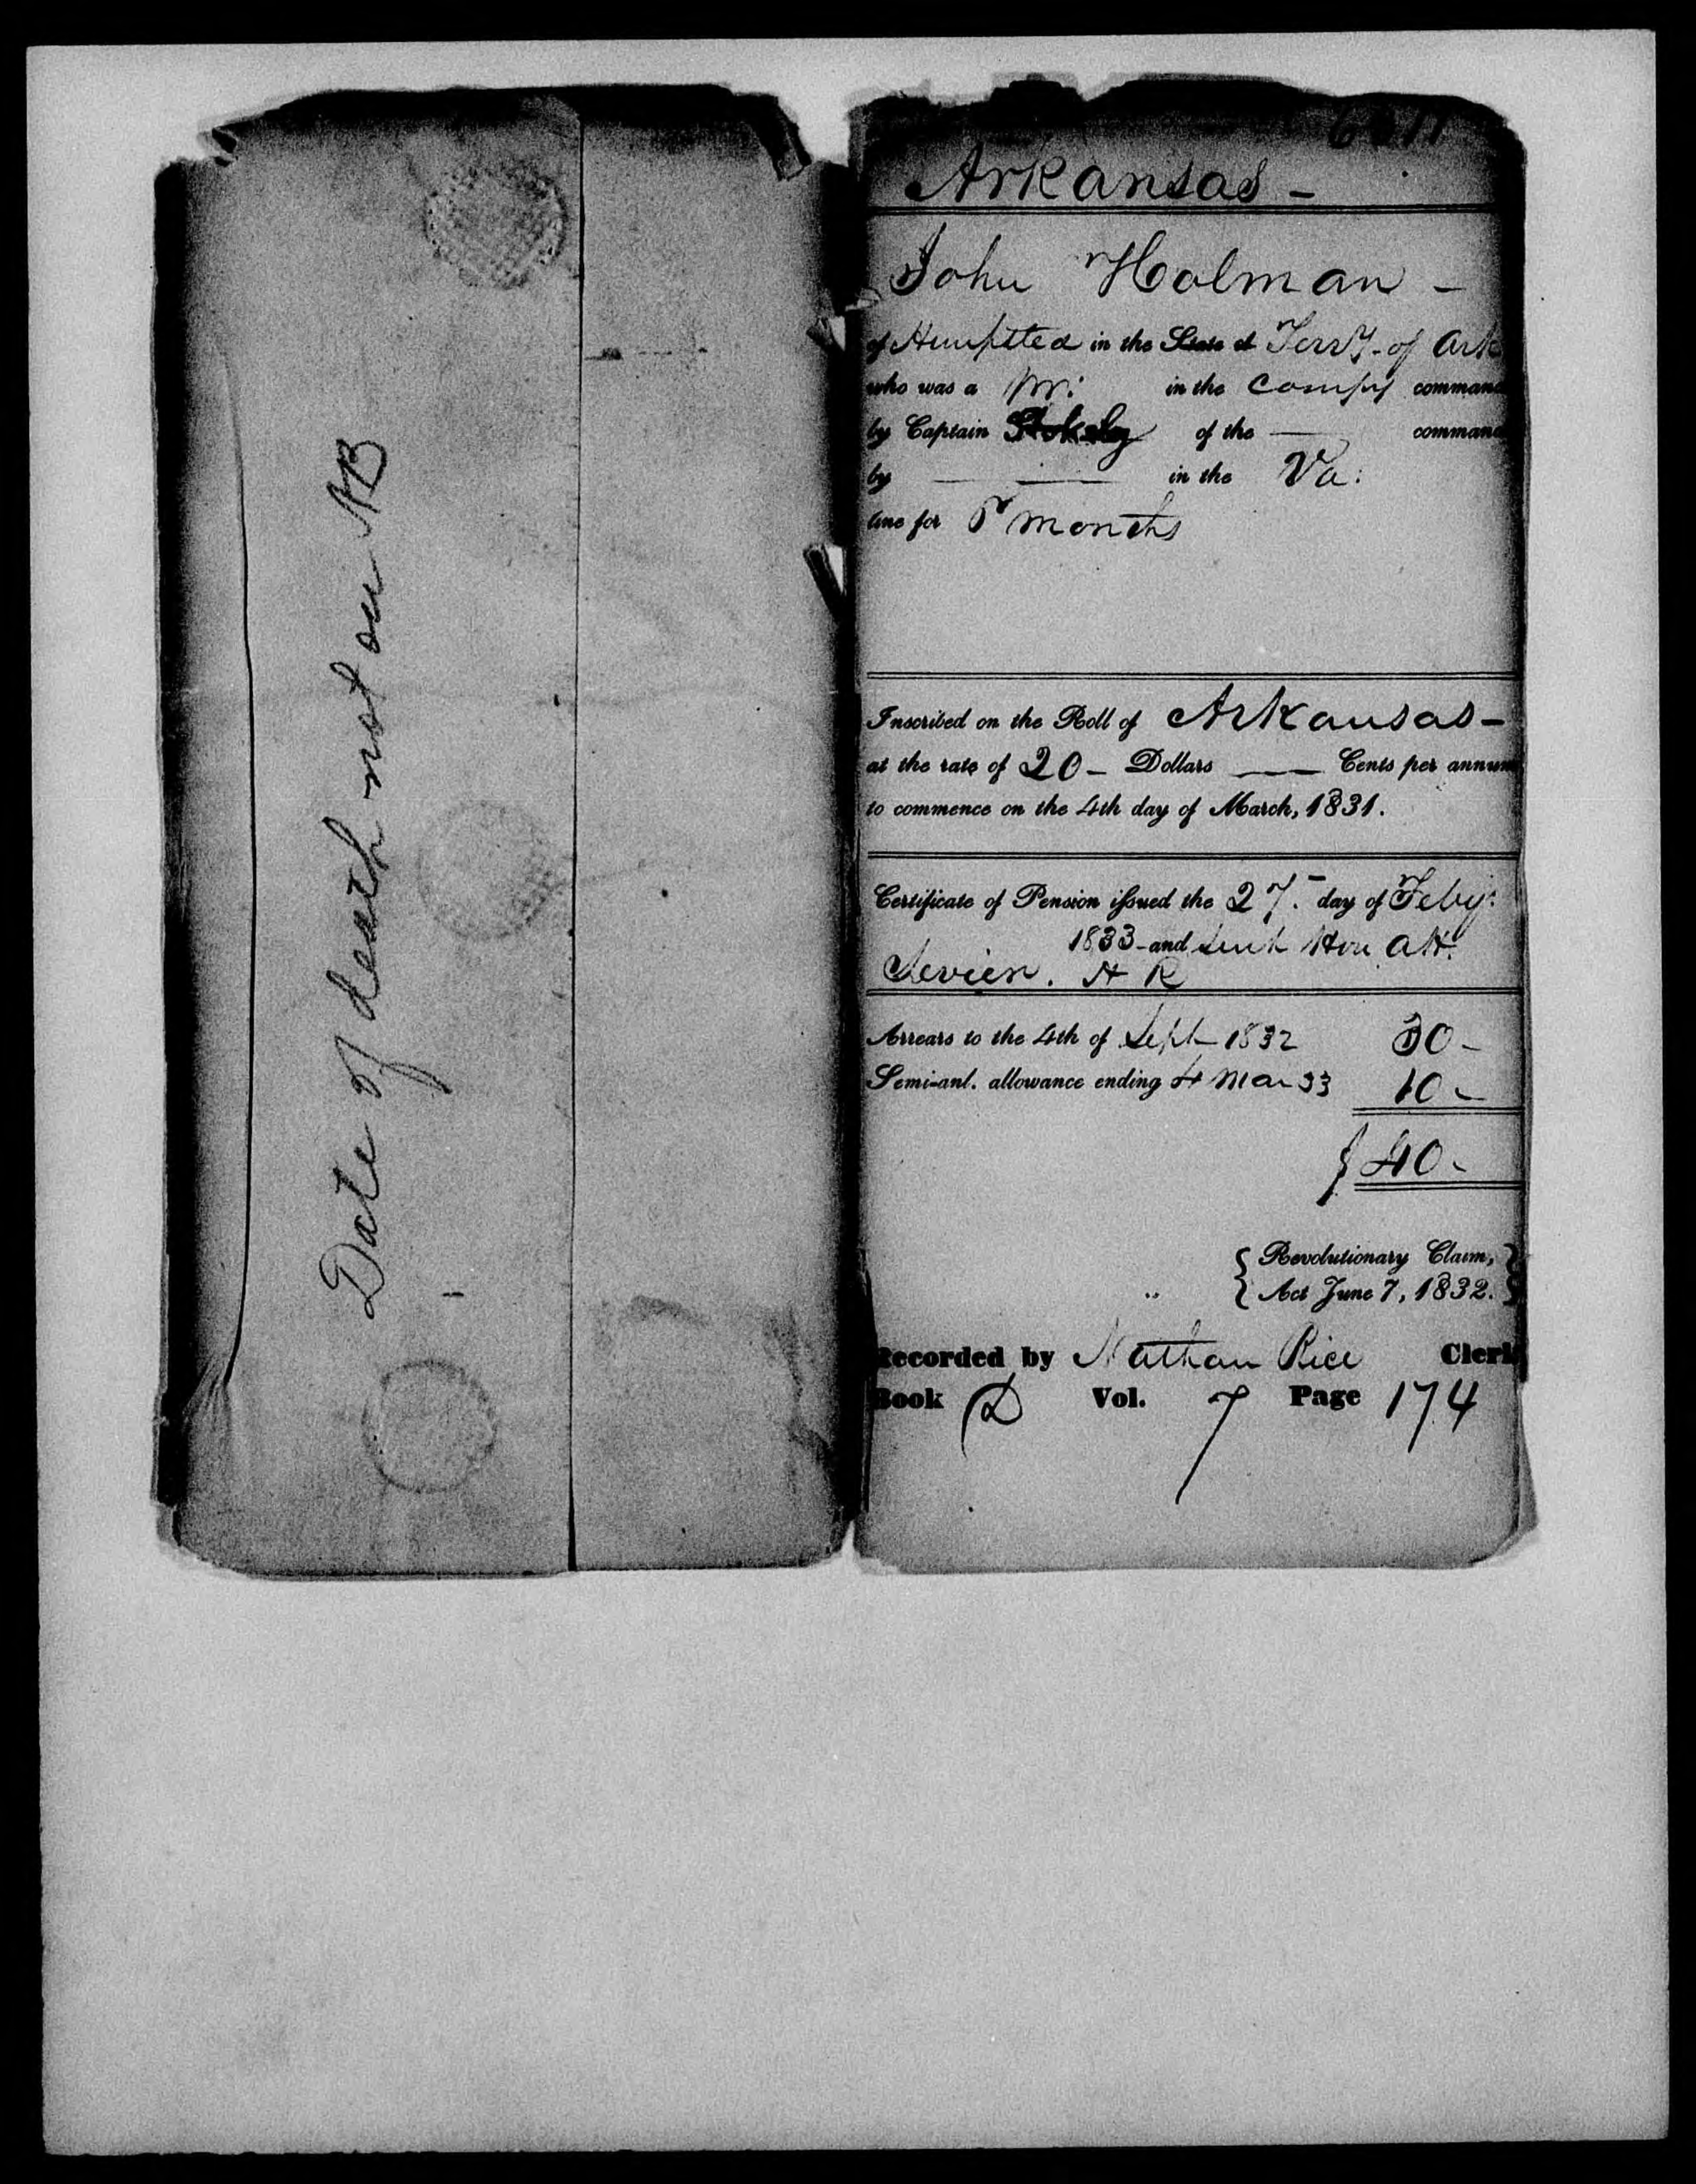Date of death not on ?B

Arkansas 6?11
John Holman of Hempsted in the State of Terry. of Ark who was a [illegible]: in the compy command[ed] by Captain Stokely of the ___________ command[ed] by _____________ in the Va: line for 6 months

Inscribed on the Roll of Arkansas - at the rate of 20. Dollars _________  Cents per annum to commence on the 4th day of March, 1831.

Certificate of Pension issued the 27 day of Feby. 1833 - and [illegible] Hon. Alt. Sevier. H R

Arrears to the 4th of Sept 1832           30-
Semi-anl. allowance ending 4 Mar 33 10-
                                                           $40-
{Revolutionary Claim, Act June 7, 1832.}
Recorded by Nathan Rice clerk
Book D  Vol 7  Page 174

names: Nathan Rice, A H Sevier, Stokely, John Holman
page: 2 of 30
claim: survivor's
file: S. 31753, John Holman, Va.